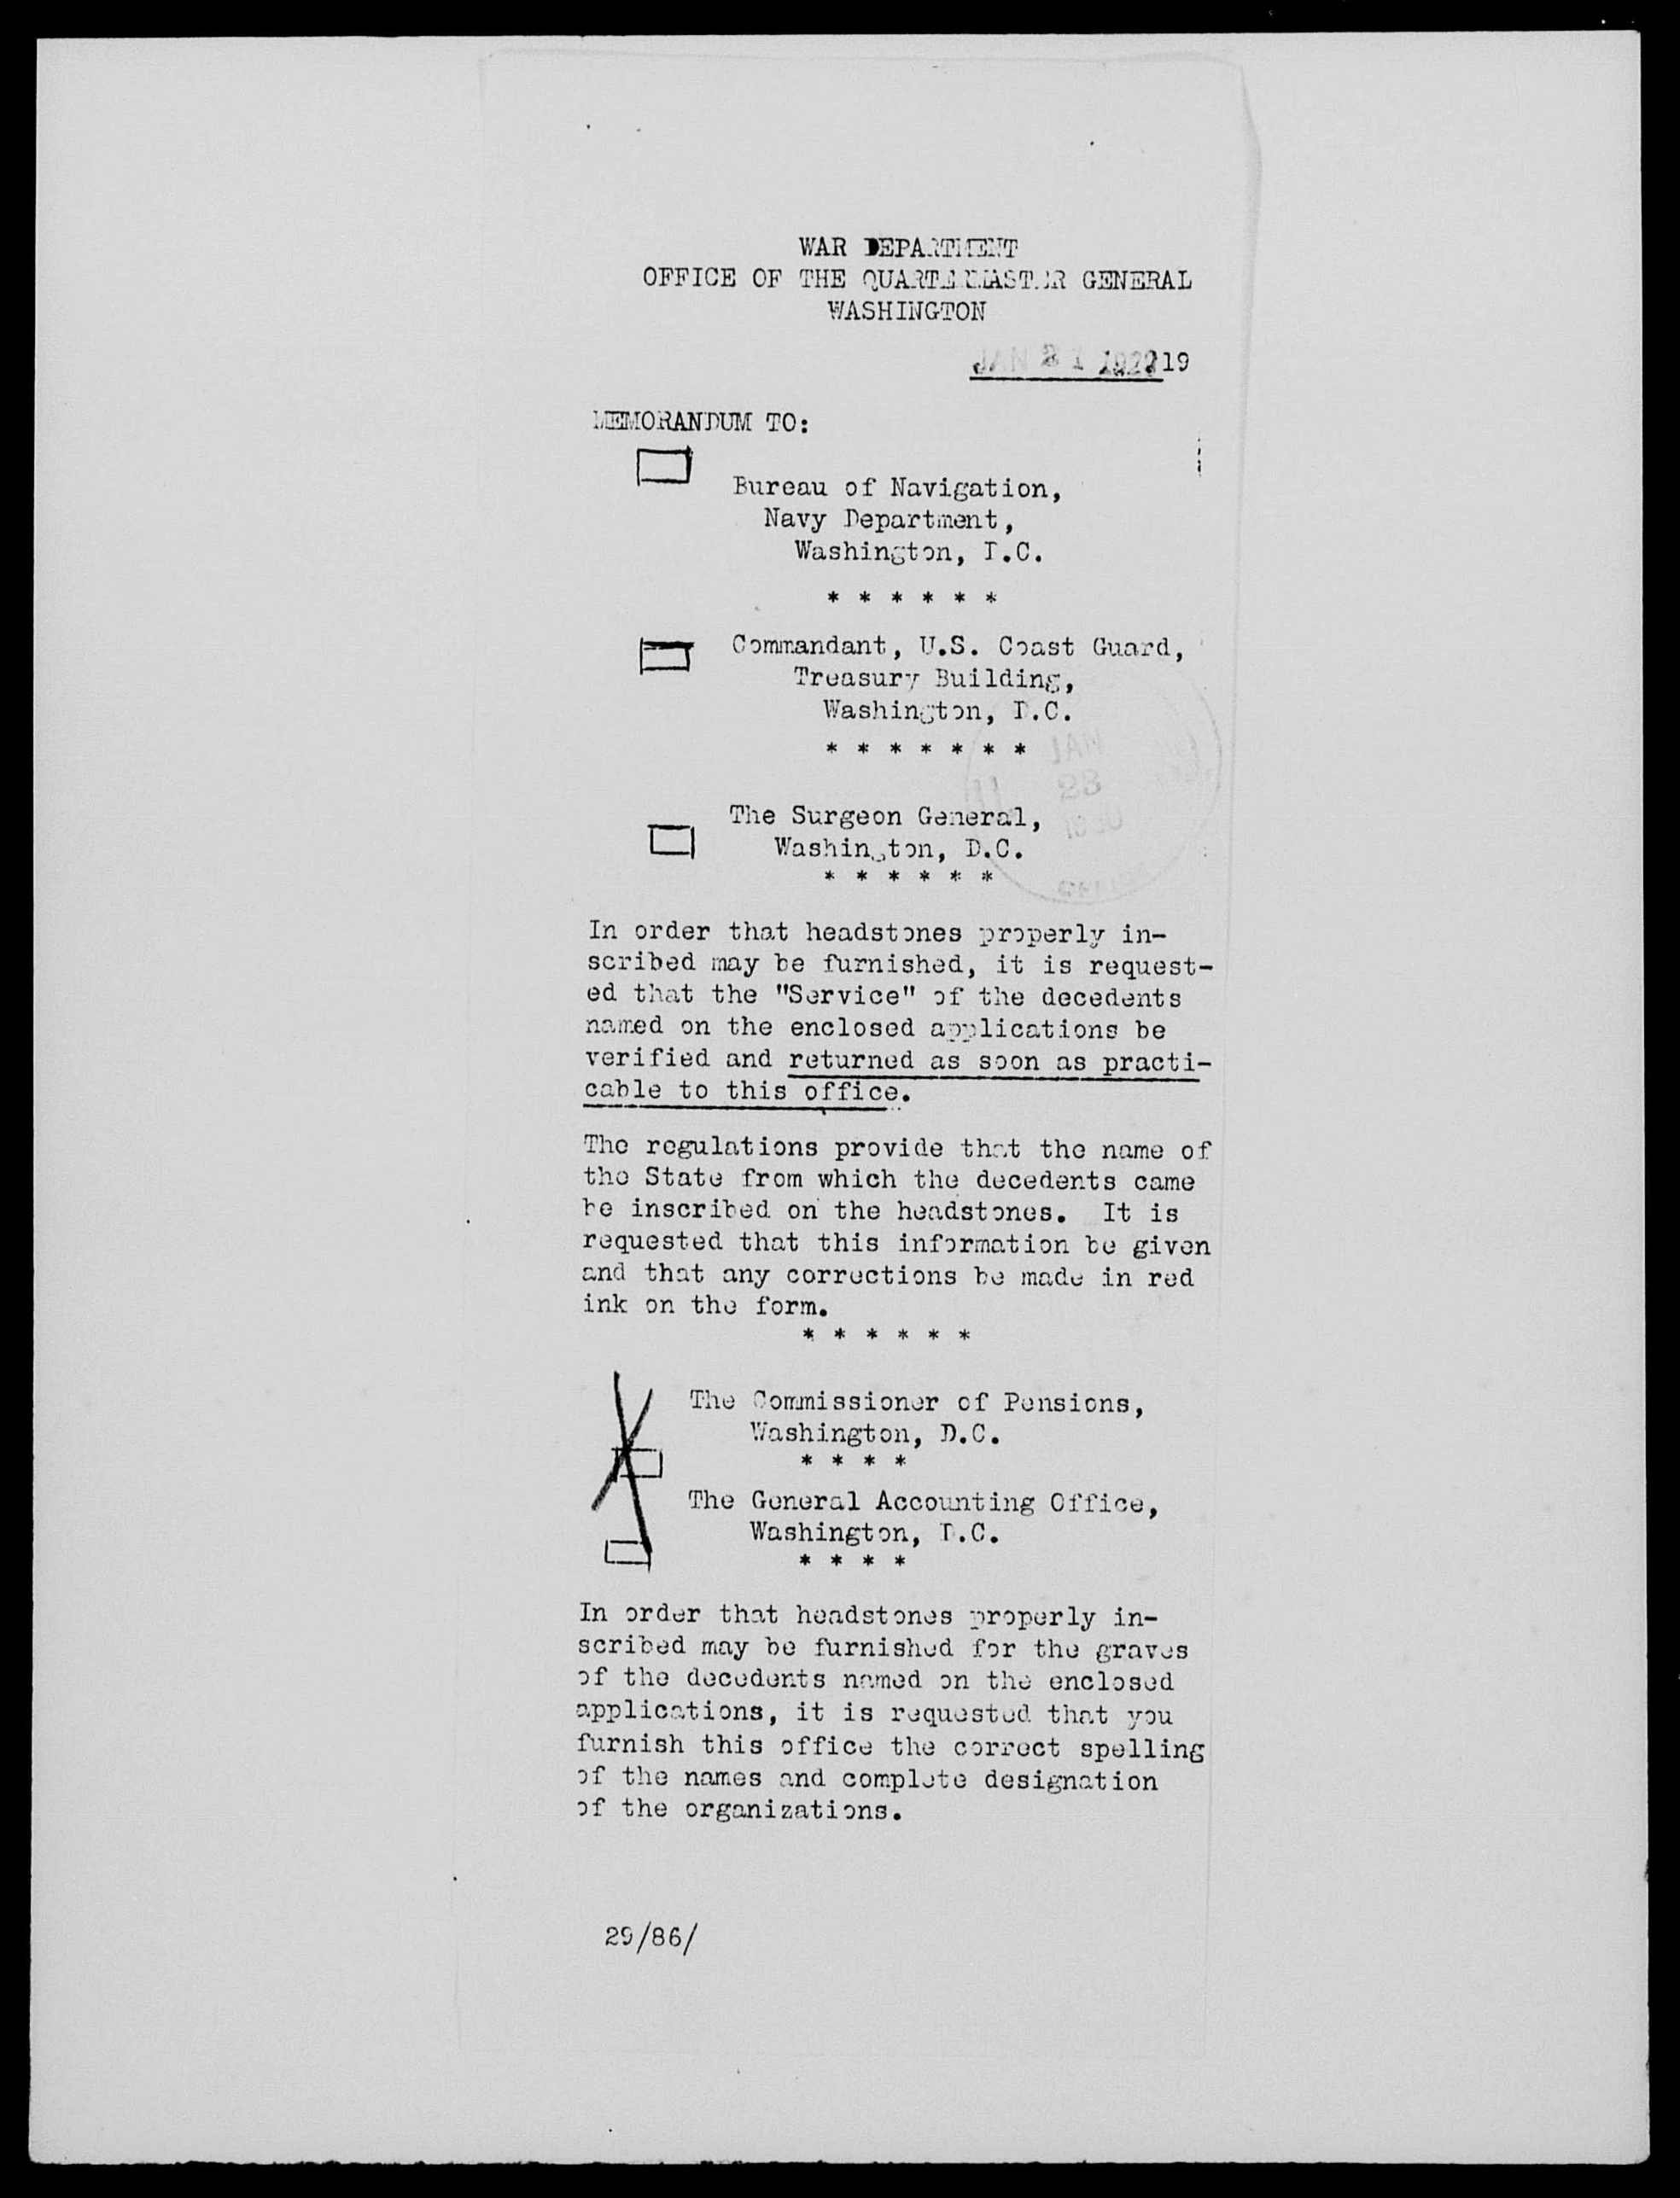[printed form] 
WAR DEPARTMENT
OFFICE OF THE QUARTEMASTER GENERAL
WASHINGTON
JAN 21 1922  19
MEMORANDUM TO:
Bureau of Navigation,
Navy Department,
Washington, D. C.
* * *
Commandant, U.S. Coast Guard,
Treasury Building,
Washington, D. C.
* * *
The Surgeon General,
Washington, D.C.
* * *
*
In order that headstones properly inscribed
may be furnished, it is requested
that the "Service" of the decedents
named on the enclosed applications be
verified and returned as soon as practicable
to this office.
-
The regulations provide that the name of
the State from which the decedents came
be inscribed on the headstones. It is
requested that this information be given
and that any corrections be made in red
ink on the form.
* * *
X The Commissioner of Pensions,
Washington, D. C.
* * *
The General Accounting Office,
Washington, D. C.
*
In order that headstones properly inscribed
may be furnished for the graves
of the decedents named on the enclosed
applications, it is requested that you
furnish this office the correct spelling
of the names and complete designation
of the organizations.
29 /86/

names: Washington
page: 37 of 43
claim: survivor's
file: S. 21163, Peter Dubose, S.C.